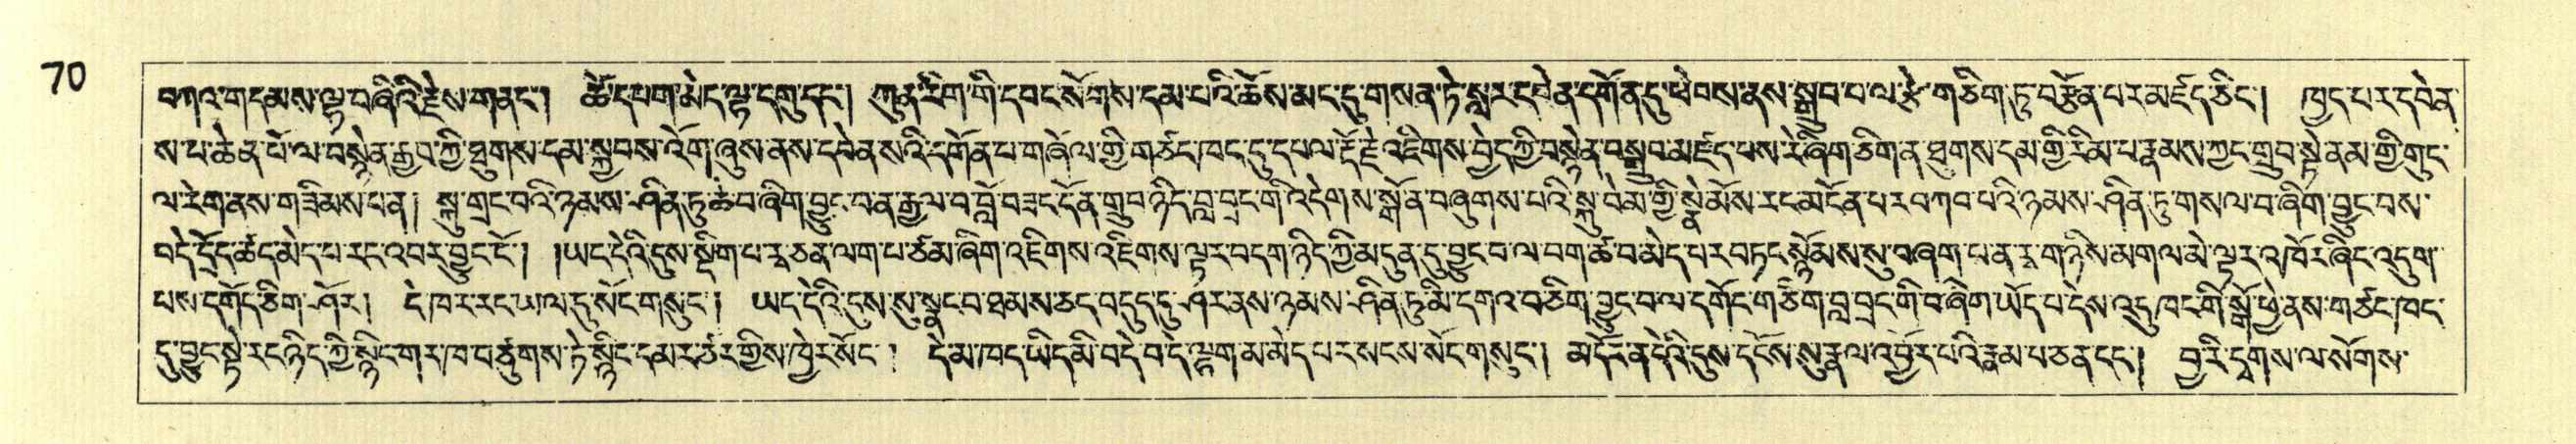བཀའ་གདམས་ལྷ་བཞིའི་རྗེས་གནང་། ཚེ་དཔག་མེད་ལྷ་དགུ་དང་། ཀུན་རིག་གི་དབང་སོགས་དམ་པའི་ཆོས་མང་དུ་གསན་ཏེ་སླར་དབེན་དགོན་དུ་ཕེབས་ནས་སྒྲུབ་པ་ལ་རྩེ་གཅིག་ཏུ་བརྩོན་པར་མཛད་ཅིང་། ཁྱད་པར་དབེན་
ས་པ་ཆེན་པོ་ལ་བསྙེན་རྒྱབ་ཀྱི་ཐུགས་དམ་སྐྱབས་འོག་ཞུས་ནས་དབེན་སའི་དགོན་པ་གཞོལ་གྱི་གཙང་ཁང་དུ་དཔལ་རྡོ་རྗེ་འཇིགས་བྱེད་ཀྱི་བསྙེན་བསྒྲུབ་མཛད་པས་རེ་ཞིག་ཅིག་ན་ཐུགས་དམ་གྱི་རིམ་པ་རྣམས་ཀྱང་གྲུབ་སྟེ་ནམ་གྱི་གུང་
ལ་རེག་ནས་གཟིམས་པ་ན། སྐུ་གྲང་བའི་ཉམས་ཤིན་ཏུ་ཆེ་བ་ཞིག་བྱུང་བ་ན་རྒྱལ་བ་བློ་བཟང་དོན་གྲུབ་ཉིད་བླ་བྲང་གི་འདེགས་སྒོ་ན་བཞུགས་པའི་སྐུ་བེམ་གྱི་སྣེ་མོས་རང་མངོན་པར་བཀབ་པའི་ཉམས་ཤིན་ཏུ་གསལ་བ་ཞིག་བྱུང་བས་
བདེ་དྲོད་ཚད་མེད་པ་རང་འབར་བྱུང་ངོ། །ཡང་དེའི་དུས་སྡིག་པ་རྭ་ཅན་ལག་པ་ཙམ་ཞིག་འཇིགས་འཇིགས་ལྟར་བདག་ཉིད་ཀྱི་མདུན་དུ་བྱུང་བ་ལ་བག་ཚ་བ་མེད་པར་བཏང་སྙོམས་སུ་བཞག་པ་ན་རྭ་གཉིས་མགལ་མེ་ལྟར་འཁོར་ཞིང་འདུག་
པས་དགོད་ཅིག་ཤོར། དེ་ཁར་རང་ཡལ་དུ་སོང་གསུང་། ཡང་དེའི་དུས་སུ་སྣང་བ་ཐམས་ཅད་བདུད་དུ་ཤར་ནས་ཉམས་ཤིན་ཏུ་མི་དགའ་བ་ཅིག་བྱུང་བ་ལ་དགོང་གཅིག་བླ་བྲང་གི་བ་ཞིག་ཡོད་པ་དེས་འདུ་ཁང་གི་སྒོ་ཕྱེ་ནས་གཙང་ཁང་
དུ་བྱུང་སྟེ་རང་ཉིད་ཀྱི་སྙིང་གར་ཁ་བཙུགས་ཏེ་སྙིང་དམར་ཙར་གྱིས་ཁྱེར་སོང་། དེ་མ་ཁད་ཡིད་མི་བདེ་བ་དེ་ལྷག་མ་མེད་པར་སངས་སོང་གསུང་། མདོར་ན་དེའི་དུས་དངོས་སུ་རྣལ་འབྱོར་པའི་རྣམ་པ་ཅན་དང་། བྱ་རི་དྭགས་ལ་སོགས་